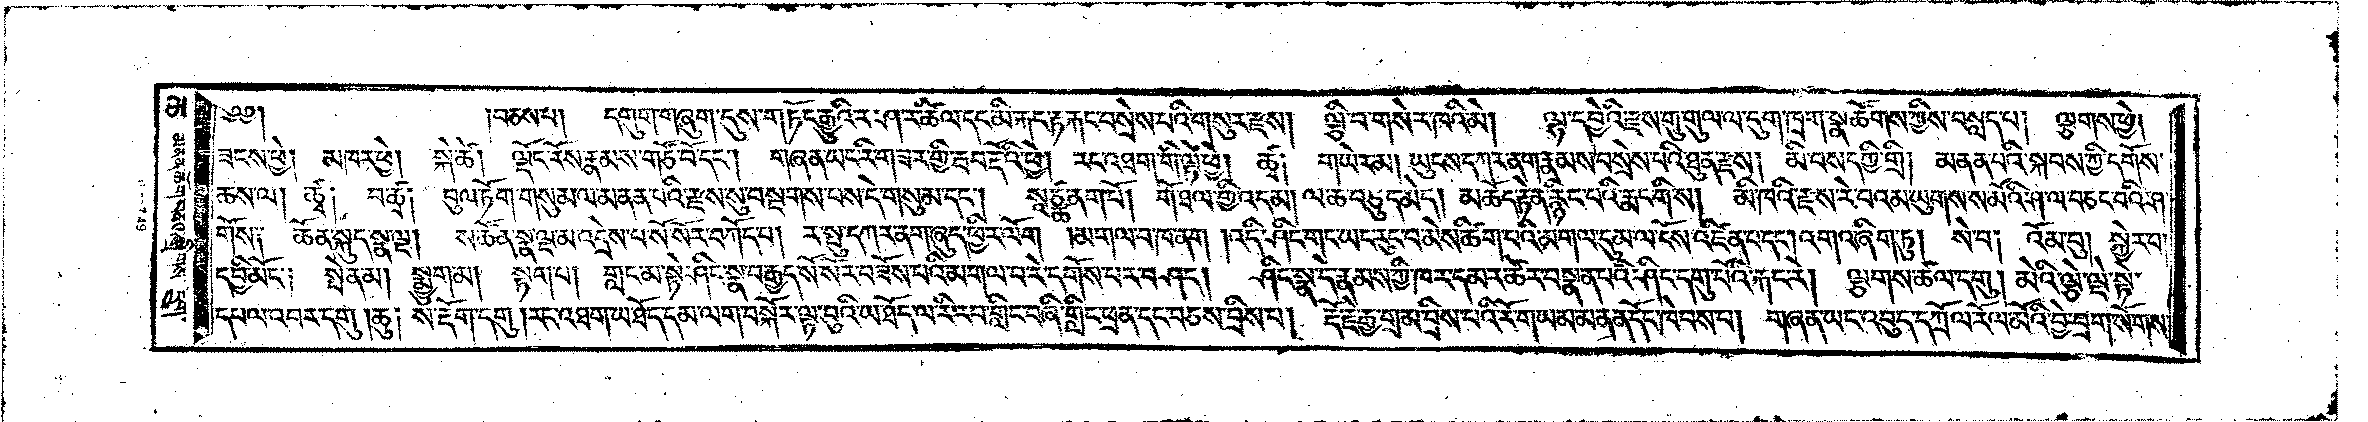༄༅། །བཅས་པ། དགུག་གཞུག་དུས་གཏོང་རྒྱུའི་ར་ཤར་ཚིལ་དང་མི་རྐང་རྟ་རྐང་བསྲེས་པའི་གསུར་རྫས། ལྕི་བ་གསེར་ཁའི་མེ། ལྷ་དབྱེའི་རྫས་གུ་གུལ་ལ་དུག་ཁྲག་སྣ་ཚོགས་ཀྱིས་བསླད་པ། ལྕགས་ཕྱེ།
ཟངས་ཕྱེ། མཁར་ཕྱེ། སྐེ་ཚེ། ལྡོང་རོས་རྣམས་གཙོ་བོ་དང་། གཞན་ཡང་རི་གཟར་གྱི་རྦབ་རྡོའི་ཕྱེ། རང་འཐག་གི་ལྟེ་ཕྱེ། ཚྭ༑ གཡེར་མ། ཡུངས་དཀར་ནག་རྣམས་བསྲེས་པའི་ཐུན་རྫས། མི་བསད་ཀྱི་གྲི། མནན་པའི་སྐབས་ཀྱི་དགོས་
ཆས་ལ། ཚྭ༑ བ་ཚྭ༑ བུལ་ཏོག་གསུམ་ལ་མནན་པའི་རྫས་སུ་བསྔགས་པས་དེ་གསུམ་དང་། སཱཙྪ་ནག་པོ། གོ་ཐལ་གྱི་འདམ། ལ་ཆ་བཅུད་མེད། མཆོད་རྟེན་རྙིང་པའི་རྨང་གིས། མི་ཁའི་རྫས་རེ་བའམ་ཡུགས་ས་མོའི་ཤ་ལ་བཅང་བའི་ཤ་
གོས༑ ཚོན་སྐུད་སྣ་ལྔ། ས་ཚོན་སྣ་ལྔ་མ་འདྲེས་པ་སོ་སོར་བཀོད་པ། ར་སྤུ་དཀར་ནག་ཞུད་ཕྱིར་ལོག །མགལ་བ་ཁ་ནག །འདི་ཤིང་གང་ཡང་རུང་བ་མེས་ཚིག་པའི་མགལ་དུ་མ་ལ་ངོས་འཛིན་པ་དང་། འགའ་ཞིག་ཏུ། སེ་བཿ འོམ་བུ། སྐྱེར་བ་
དབྱི་མོང༑ སྤེན་མ། སྨྱུག་མ། སྟག་པ། གླང་མ་སྟེ་ཤིང་སྣ་བརྒྱད་སོ་སོར་བཟོས་པའི་མགལ་པ་རེ་གོས་པར་བཤད། ཤིང་སྣ་དེ་རྣམས་ཀྱི་ཁར་དམར་ཚེར་བསྣན་པའི་ཤིང་དགུ་པོའི་རྐང་རེ། ལྕགས་ཚལ་དགུ། མེའི་ལྕེ་ལྡེ་སྟེ་
དཔལ་འབར་དགུ །ཆུ༑ ས་རྡོག་དགུ །རང་འཐག་ཡ་ཐོད་དམ་ལག་བསྐོར་ལྟ་བུའི་ཡ་ཐོད་ལ་རི་རབ་གླིང་བཞི་གླིང་ཕྲན་དང་བཅས་བྲིས་པ། རྡོ་རྗེ་རྒྱ་གྲམ་བྲིས་པའི་རོ་གཡམ་མནན་དོང་ཁེབས་བ། གཞན་ཡང་འབུད་དཀྲོལ་རོལ་མོའི་བྱེ་བྲག་སོགས་